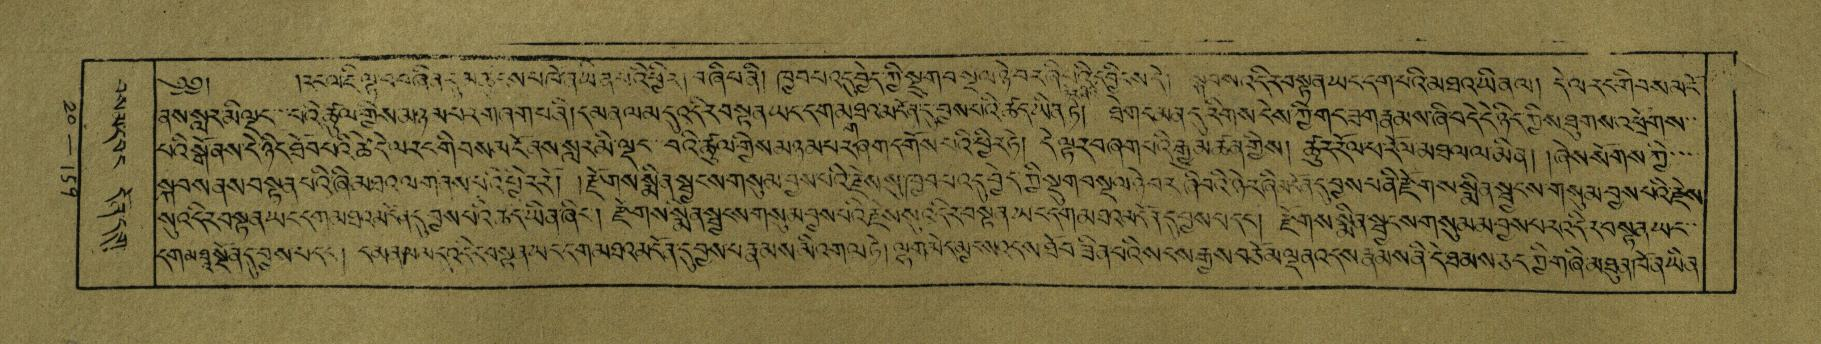༄༅། །རང་ལ་ཇི་ལྟ་བ་བཞིན་དུ་མཚུངས་པ་ཁོ་ན་ཡིན་པའི་ཕྱིར། བཞི་པ་ནི། ཁྱབ་པ་འདུ་བྱེད་ཀྱི་སྡུག་བསྔལ་ཉེ་བར་ཞི་པའི་ཉེར་ཞིའི་དབྱིངས་དེ། སྐབས་འདིར་བསྟན་ཡང་དག་པའི་མཐའ་ཡིན་ལ། དེ་ལ་རང་གི་བསམ་ངོ་
ནས་སླར་མི་ལྡང་པའི་ཚུལ་གྱིས་མཉམ་པར་གཞག་པ་ནི། དམན་ལམ་དུ་འདིར་བསྟན་ཡང་དག་མཐའ་མངོན་དུ་བྱས་པའི་ཚད་ཡིན་ཏེ། ཐེག་དམན་དུ་རིགས་ངེས་ཀྱི་གང་ཟག་རྣམས་ཞི་བདེ་དེ་ཉིད་ཀྱིས་ཐུགས་འཕྲོགས་
པའི་སྒོ་ནས་དེ་ཉིད་ཐོབ་པའི་ཚེ་དེ་ལ་རང་གི་བསམ་ངོ་ནས་སླར་མི་ལྡང་བའི་ཚུལ་གྱིས་མཉམ་པར་གཞག་དགོས་པའི་ཕྱིར་ཏེ། དེ་ལྟར་བཞག་པའི་རྒྱུ་མཚན་གྱིས། ཚུར་རོལ་ཕ་རོལ་མཐལ་ལ་མིན། །ཞེས་སོགས་ཀྱི་
སྐབས་ནས་བསྟན་པའི་ཞི་མཐའ་ལ་གནས་པའི་ཕྱིར་རོ། །རྫོགས་སྨིན་སྦྱངས་གསུམ་བྱས་པའི་རྗེས་སུ་ཁྱབ་པ་འདུ་བྱེད་ཀྱི་སྡུག་བསྔལ་ཉེ་བར་ཞི་བའི་ཉེར་ཞི་མངོན་དུ་བྱས་པ་ནི་རྫོགས་སྨིན་སྦྱངས་གསུམ་བྱས་པའི་རྗེས་
སུ་འདིར་བསྟན་ཡང་དག་མཐའ་མངོན་དུ་བྱས་པའི་ཚད་ཡིན་ཞིང་། རྫོགས་སྨིན་སྦྱངས་གསུམ་བྱས་པའི་རྗེས་སུ་འདིར་བསྟན་ཡང་དག་མཐའ་མངོན་དུ་བྱས་པ་དང་། རྫོགས་སྨིན་སྦྱངས་གསུམ་མ་བྱས་པར་འདིར་བསྟན་ཡང་
དག་མཐའ་སྔོན་དུ་བྱས་པ་དང་། དམན་ལམ་དུ་འདིར་བསྟན་ཡང་དག་མཐའ་མངོན་དུ་བྱས་པ་རྣམས་མི་འགལ་ཏེ། ལྷག་མེད་མྱངས་འདས་ཐོབ་ཟིན་པའི་སངས་རྒྱས་བཅོམ་ལྡན་འདས་རྣམས་ནི་དེ་ཐམས་ཅད་ཀྱི་གཞི་མཐུན་ཁོ་ན་ཡིན་